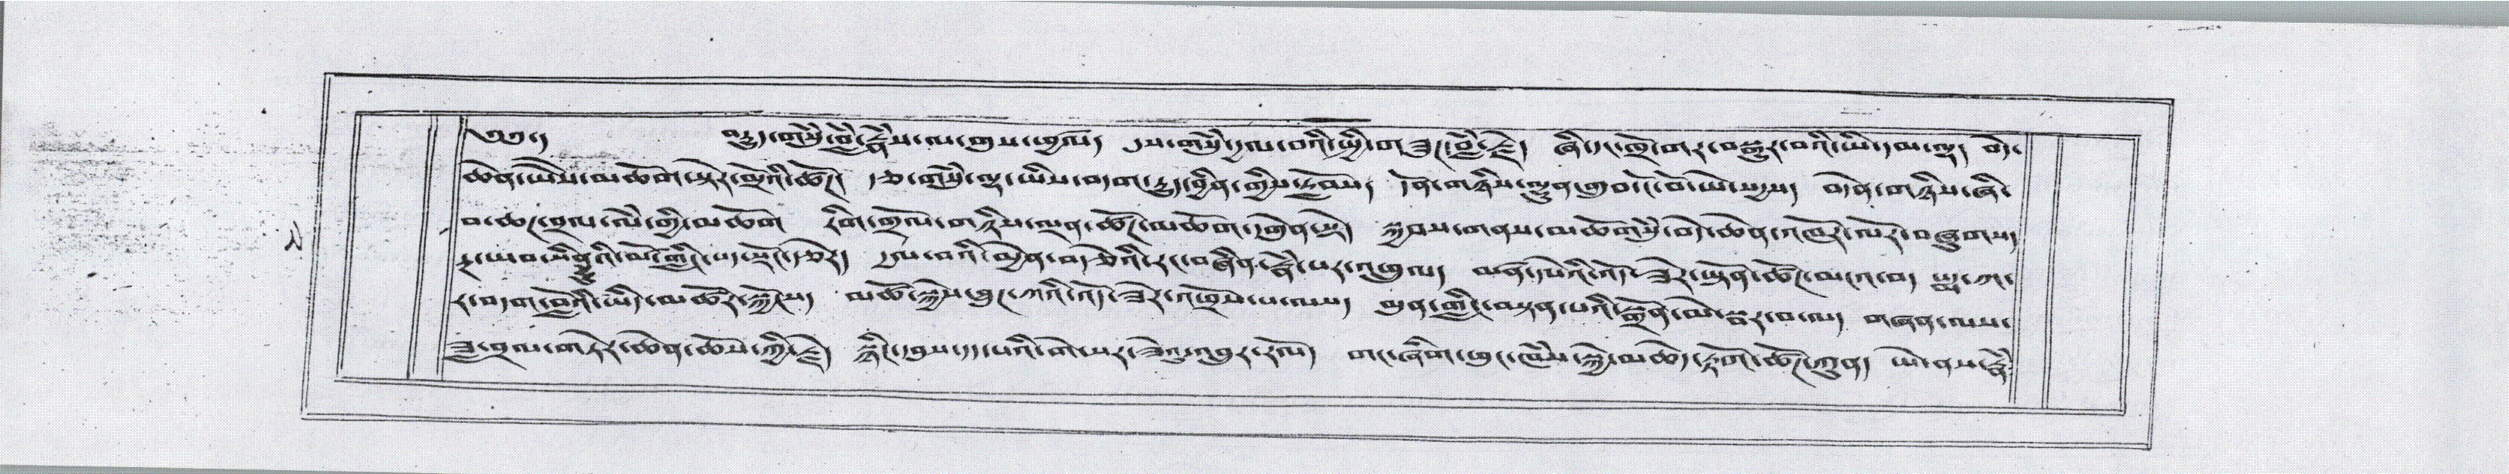བརྒྱུད་གསུམ་བླ་མ་རྣམས་ལ་གུས་ཕྱག་འཚལ། དུས་གསུམ་རྒྱལ་བའི་སྤྱི་གཟུགས་བླ་མ་རྗེ། ཞི་དང་ཁྲོ་གར་བསྒྱུར་བའི་ཡི་དམ་ལྷ། བདེ་
ཆེན་ཡེ་ཤེས་མཆོག་སྟེར་མཁའ་འགྲོའི་ཚོགས། རྩ་གསུམ་ལྷ་ཡིས་བདག་རྒྱུད་བྱིན་གྱིས་རློབས། དོན་གཉིས་ལྷུན་གྲུབ་ངོ་བོ་ཡེ་སངས་རྒྱས། བདེན་གཉིས་ཞི་
བ་ཆགས་བྲལ་ལམ་གྱི་མཆོག རིག་གྲོལ་གཉིས་ལྡན་ཚོགས་མཆོག་དགུན་སྡེ། སྐྱབས་གནས་མཆོག་གསུམ་བདེ་ཆེན་འཁོར་ལོར་བཞུགས། 
རྔ་ཡབ་སིནྡྷུའི་མཚོ་གླིང་པད་སྡོང་རྩེར། རྒྱལ་བའི་མཁྱེན་བརྩེའི་རང་བཞིན་རྣམ་པར་འཕྲུལ། མཚན་དཔེའི་འོད་ཟེར་ཡོན་ཏན་ཚོགས་མངའ་བ། པདྨ་ཀ་
ར་བདག་བློའི་ཡིད་མཚོར་སྐྱོངས། མཚོ་སྐྱེས་ཐུགས་ཀའི་འོད་ཟེར་འཕྲོས་པ་ལས། མུན་གླིང་བསྟན་པའི་སྒྲོན་མེ་སྦར་བ་ལ། གཞན་ལས་
ཟླ་བྲལ་གཏེར་ཆེན་ཆོས་ཀྱི་རྗེ། སྙིགས་དབུས་དད་པའི་གེ་སར་ཟེའུ་འབྲུར་རོལ། གང་ཞིག་ཕུང་ཁམས་སྐྱེ་མཆེད་རྟོག་ཚོགས་ཀུན། ཡེ་ནས་རྣམ་